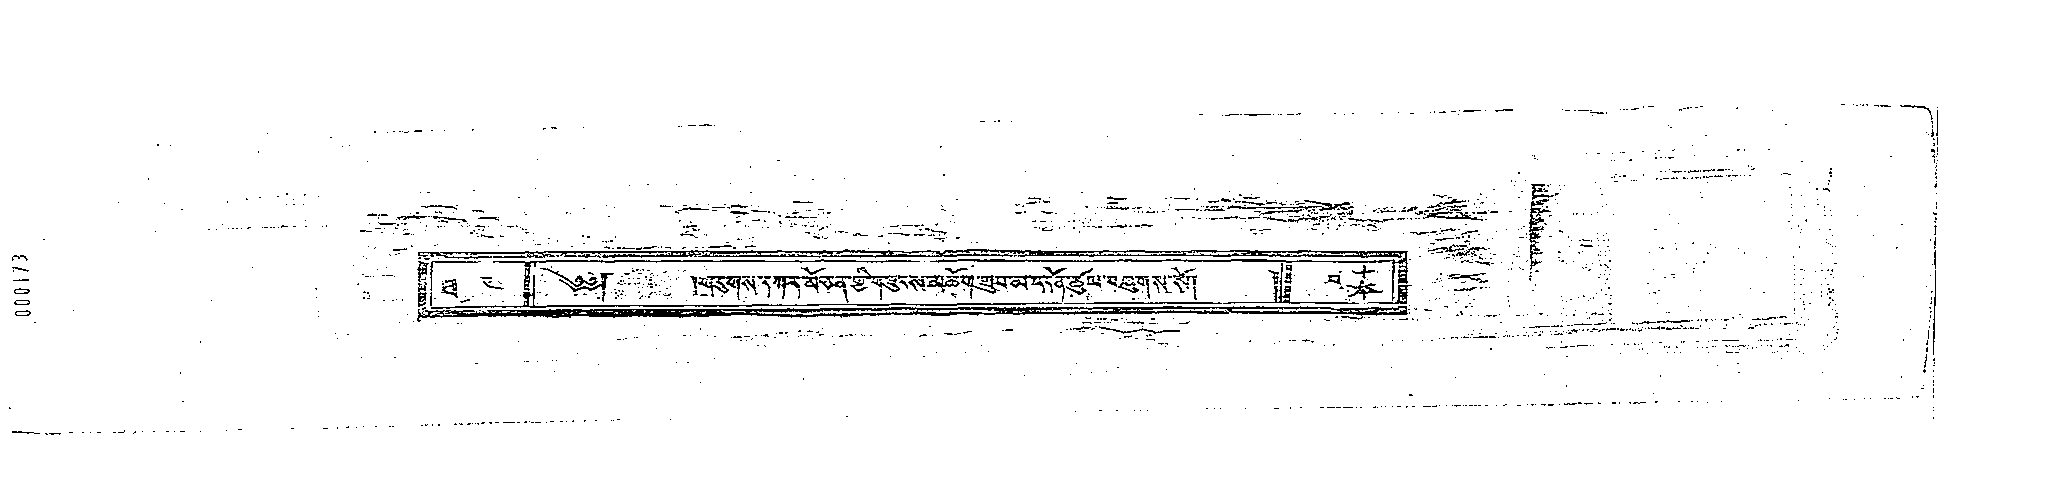ཏ ༡༠?
ཐ ༤་༄༅། །གདུགས་དཀར་མོ་ཅན་གྱི་གཟུངས་མཆོག་གྲུབ་མ་འདོན་ཚུལ་བཞུགས་སོ། །༥